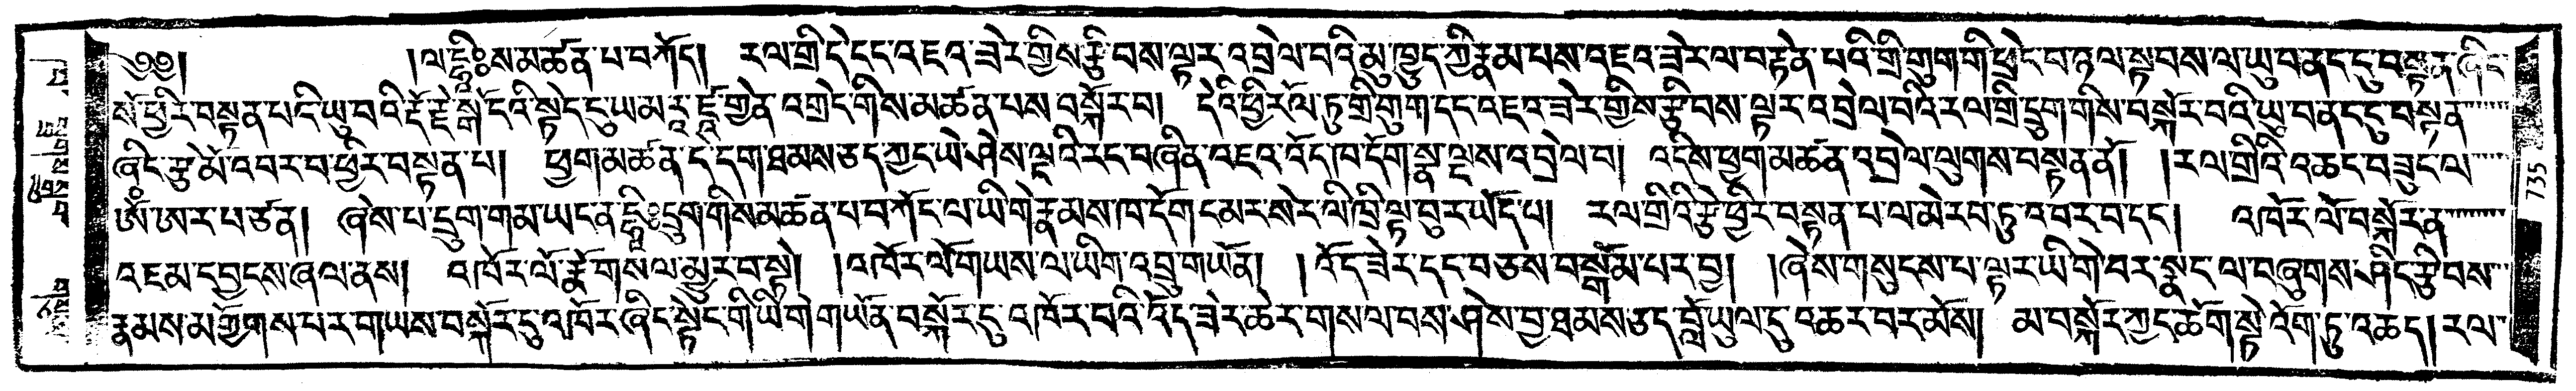༄༅། །ལ་དྷཱིཿས་མཚན་པ་བཀོད། རལ་གྲི་དེ་དང་འཇའ་ཟེར་གྱིས་རྩི་བས་ལྟར་འབྲེལ་བའི་མུ་ཁྱུད་ཀྱི་རྣམ་པས་འཇའ་ཟེར་ལ་བརྟེན་པའི་གྲི་གུག་གི་ཕྲེང་བ་ཉལ་སྟབས་ལ་ཡུ་བ་ནང་དུ་བསྟན་ཞིང་
སོ་ཕྱིར་བསྟན་པའི་ཡུ་བའི་རྡོ་རྗེ་སྒོ་ངའི་སྟེང་དུ་ཡ་མ་རཱ་ཛཱ་གྱེན་འགྲེང་གིས་མཚན་པས་བསྐོར་བ། དེའི་ཕྱི་རོལ་ཏུ་གྲི་གུག་དང་འཇའ་ཟེར་གྱིས་རྩིབས་ལྟར་འབྲེལ་བའི་རལ་གྲི་དྲུག་གིས་བསྐོར་བའི་ཡུ་བ་ནང་དུ་བསྟན་
ཞིང་རྩེ་མོ་འབར་བ་ཕྱིར་བསྟན་པ། ཕྱག་མཚན་དེ་དག་ཐམས་ཅད་ཀྱང་ཡེ་ཤེས་ལྔའི་རང་བཞིན་འཇའ་འོད་ཁ་དོག་སྣ་ལྔས་འབྲེལ་བ། འདིས་ཕྱག་མཚན་འབྲེལ་ལུགས་བསྟན་ནོ། །རལ་གྲིའི་འཆང་བཟུང་ལ་
ཨོཾ་ཨ་ར་པ་ཙ་ན། ཞེས་པ་དྲུག་གམ་ཡང་ན་དྷཱིཿདྲུག་གིས་མཚན་པ་བཀོད་ལ་ཡི་གེ་རྣམས་ཁ་དོག་དམར་སེར་ལི་ཁྲི་ལྟ་བུར་ཡོད་པ། རལ་གྲིའི་རྩེ་ཕྱིར་བསྟན་པ་ལ་མེ་རབ་ཏུ་འབར་བ་དང་། འཁོར་ལོ་བསྐོར་ན་
འཇམ་དབྱངས་ཞལ་ནས། འཁོར་ལོ་རྣོ་གསལ་མྱུར་བ་སྟེ། །འཁོར་ལོ་གཡས་ལ་ཡིག་འབྲུ་གཡོན། །འོད་ཟེར་དང་བཅས་བསྒོམ་པར་བྱ། །ཞེས་གསུངས་པ་ལྟར་ཡི་གེ་བར་སྣང་ལ་བཞུགས་ཤིང་རྩིབས་
རྣམས་མགྱོགས་པར་གཡས་བསྐོར་དུ་འཁོར་ཞིང་སྟེང་གི་ཡི་གེ་གཡོན་བསྐོར་དུ་འཁོར་བའི་འོད་ཟེར་ཆེར་གསལ་བས་ཤེས་བྱ་ཐམས་ཅད་བློ་ཡུལ་དུ་འཆར་བར་མོས། མ་བསྐོར་ཀྱང་ཆོག་སྟེ་འོག་ཏུ་འཆད། རལ་